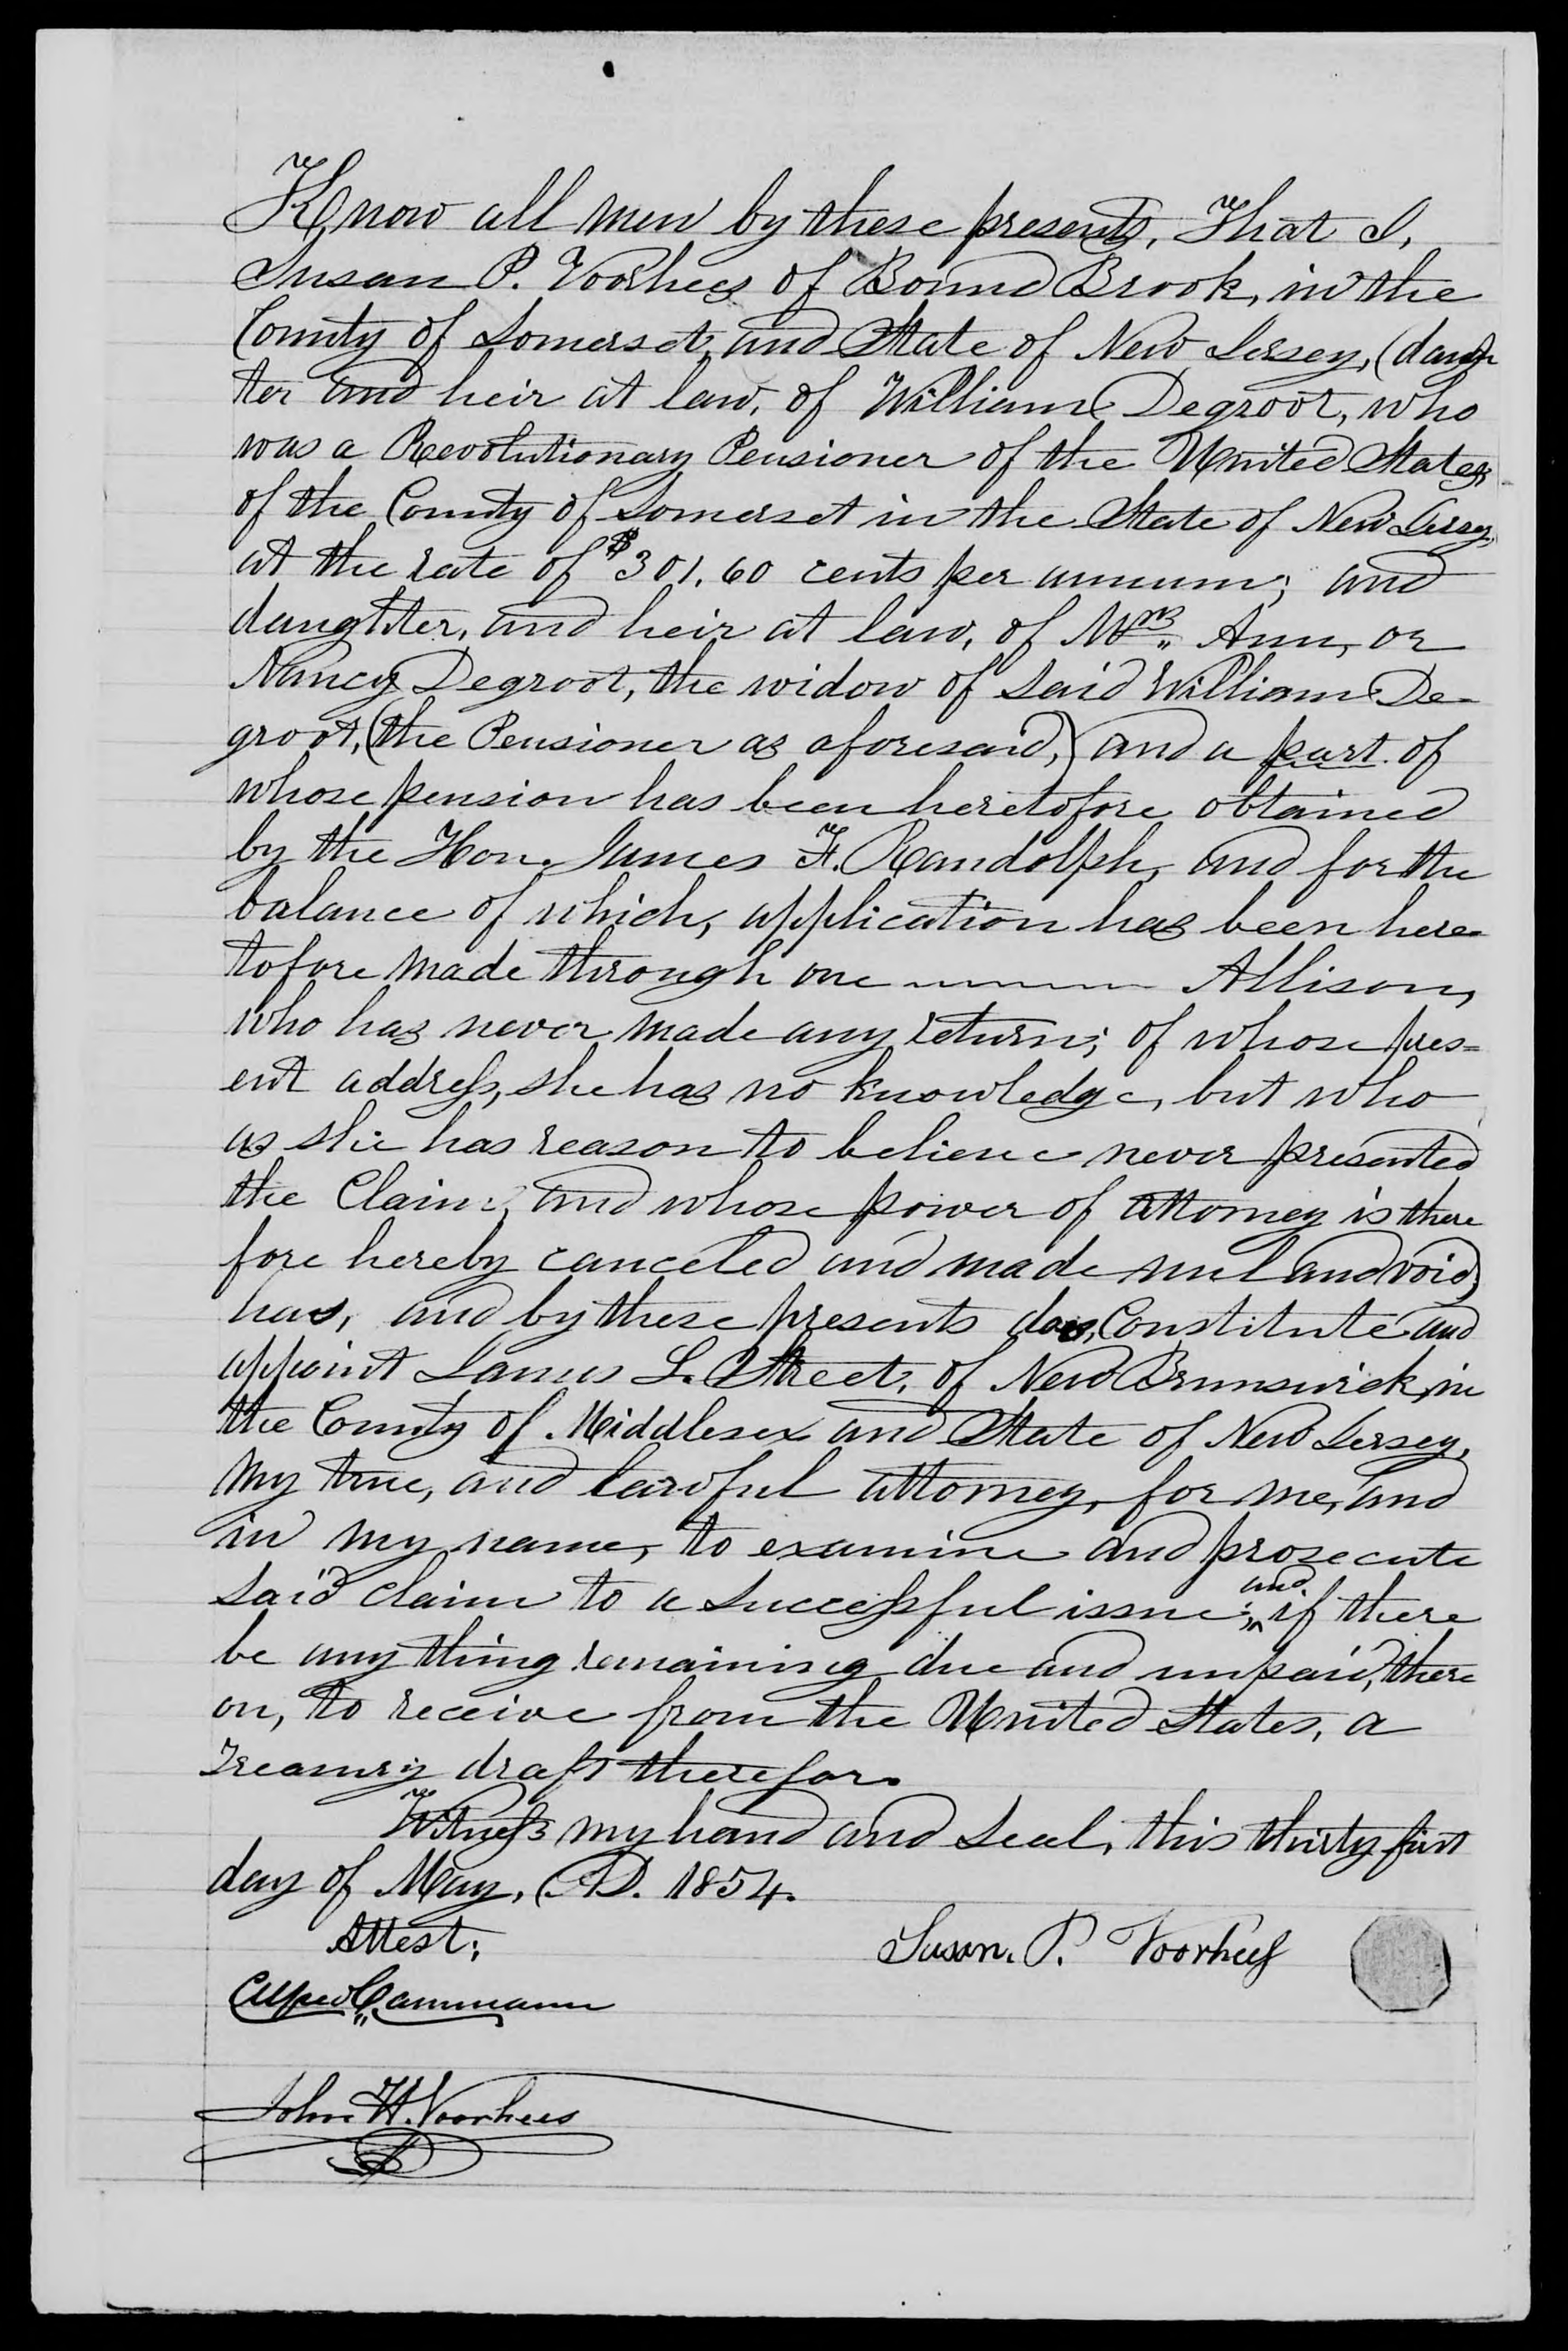Know all men by these presents, That I,
Susan P. Voorhees of Bound Brook, in the
County of Somerset and State of New Jersey, (daughter and heir at law, of William Degroot, who was a Revolutionary Pensioner of the United States of the County of Somerset in the State of New Jersey, at the rate of $301.60 cents per annum; and daughter, and heir at law, of Mrs Ann, or Nancy Degroot, the widow of said William Degroot, (the Pensioner as aforesaid,) and a part of whose pension has been heretofore obtained by the Hon James F. Randolph, and for the balance of which, application has been heretofore made through one -------- Allison, who has never made any return; of whose present address, she has no knowledge, but who as she has reason to believe never presented the Claim and whose power of attorney is therefore hereby canceled and made nul and void has, and by these presents does constitute and appoint James L Street of New Brunswick in the County of Middlesex and State of New Jersey my true, and lawful attorney, for me, and in my name, to examine and prosecute said claim to a successful issue and if there be any thing remaining due and unpaid, thereon, to receive from the United States, a Treasury draft therefor.

Witness my hand and seal, this thirty first
day of May, AD. 1854.
Susan P. Voorhees

Attest,

Alfred Cammann
John H. Voorhees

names: William Degroot, Allison, Nancy Degroot, John H Voorhees, James F Randolph, Susan P Voorhees, Alfred Cammann, Ann Degroot, Susan P Voorhees, William Degroot, James L Street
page: 70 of 77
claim: widow's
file: W. 417, William De Groot, New Jersey